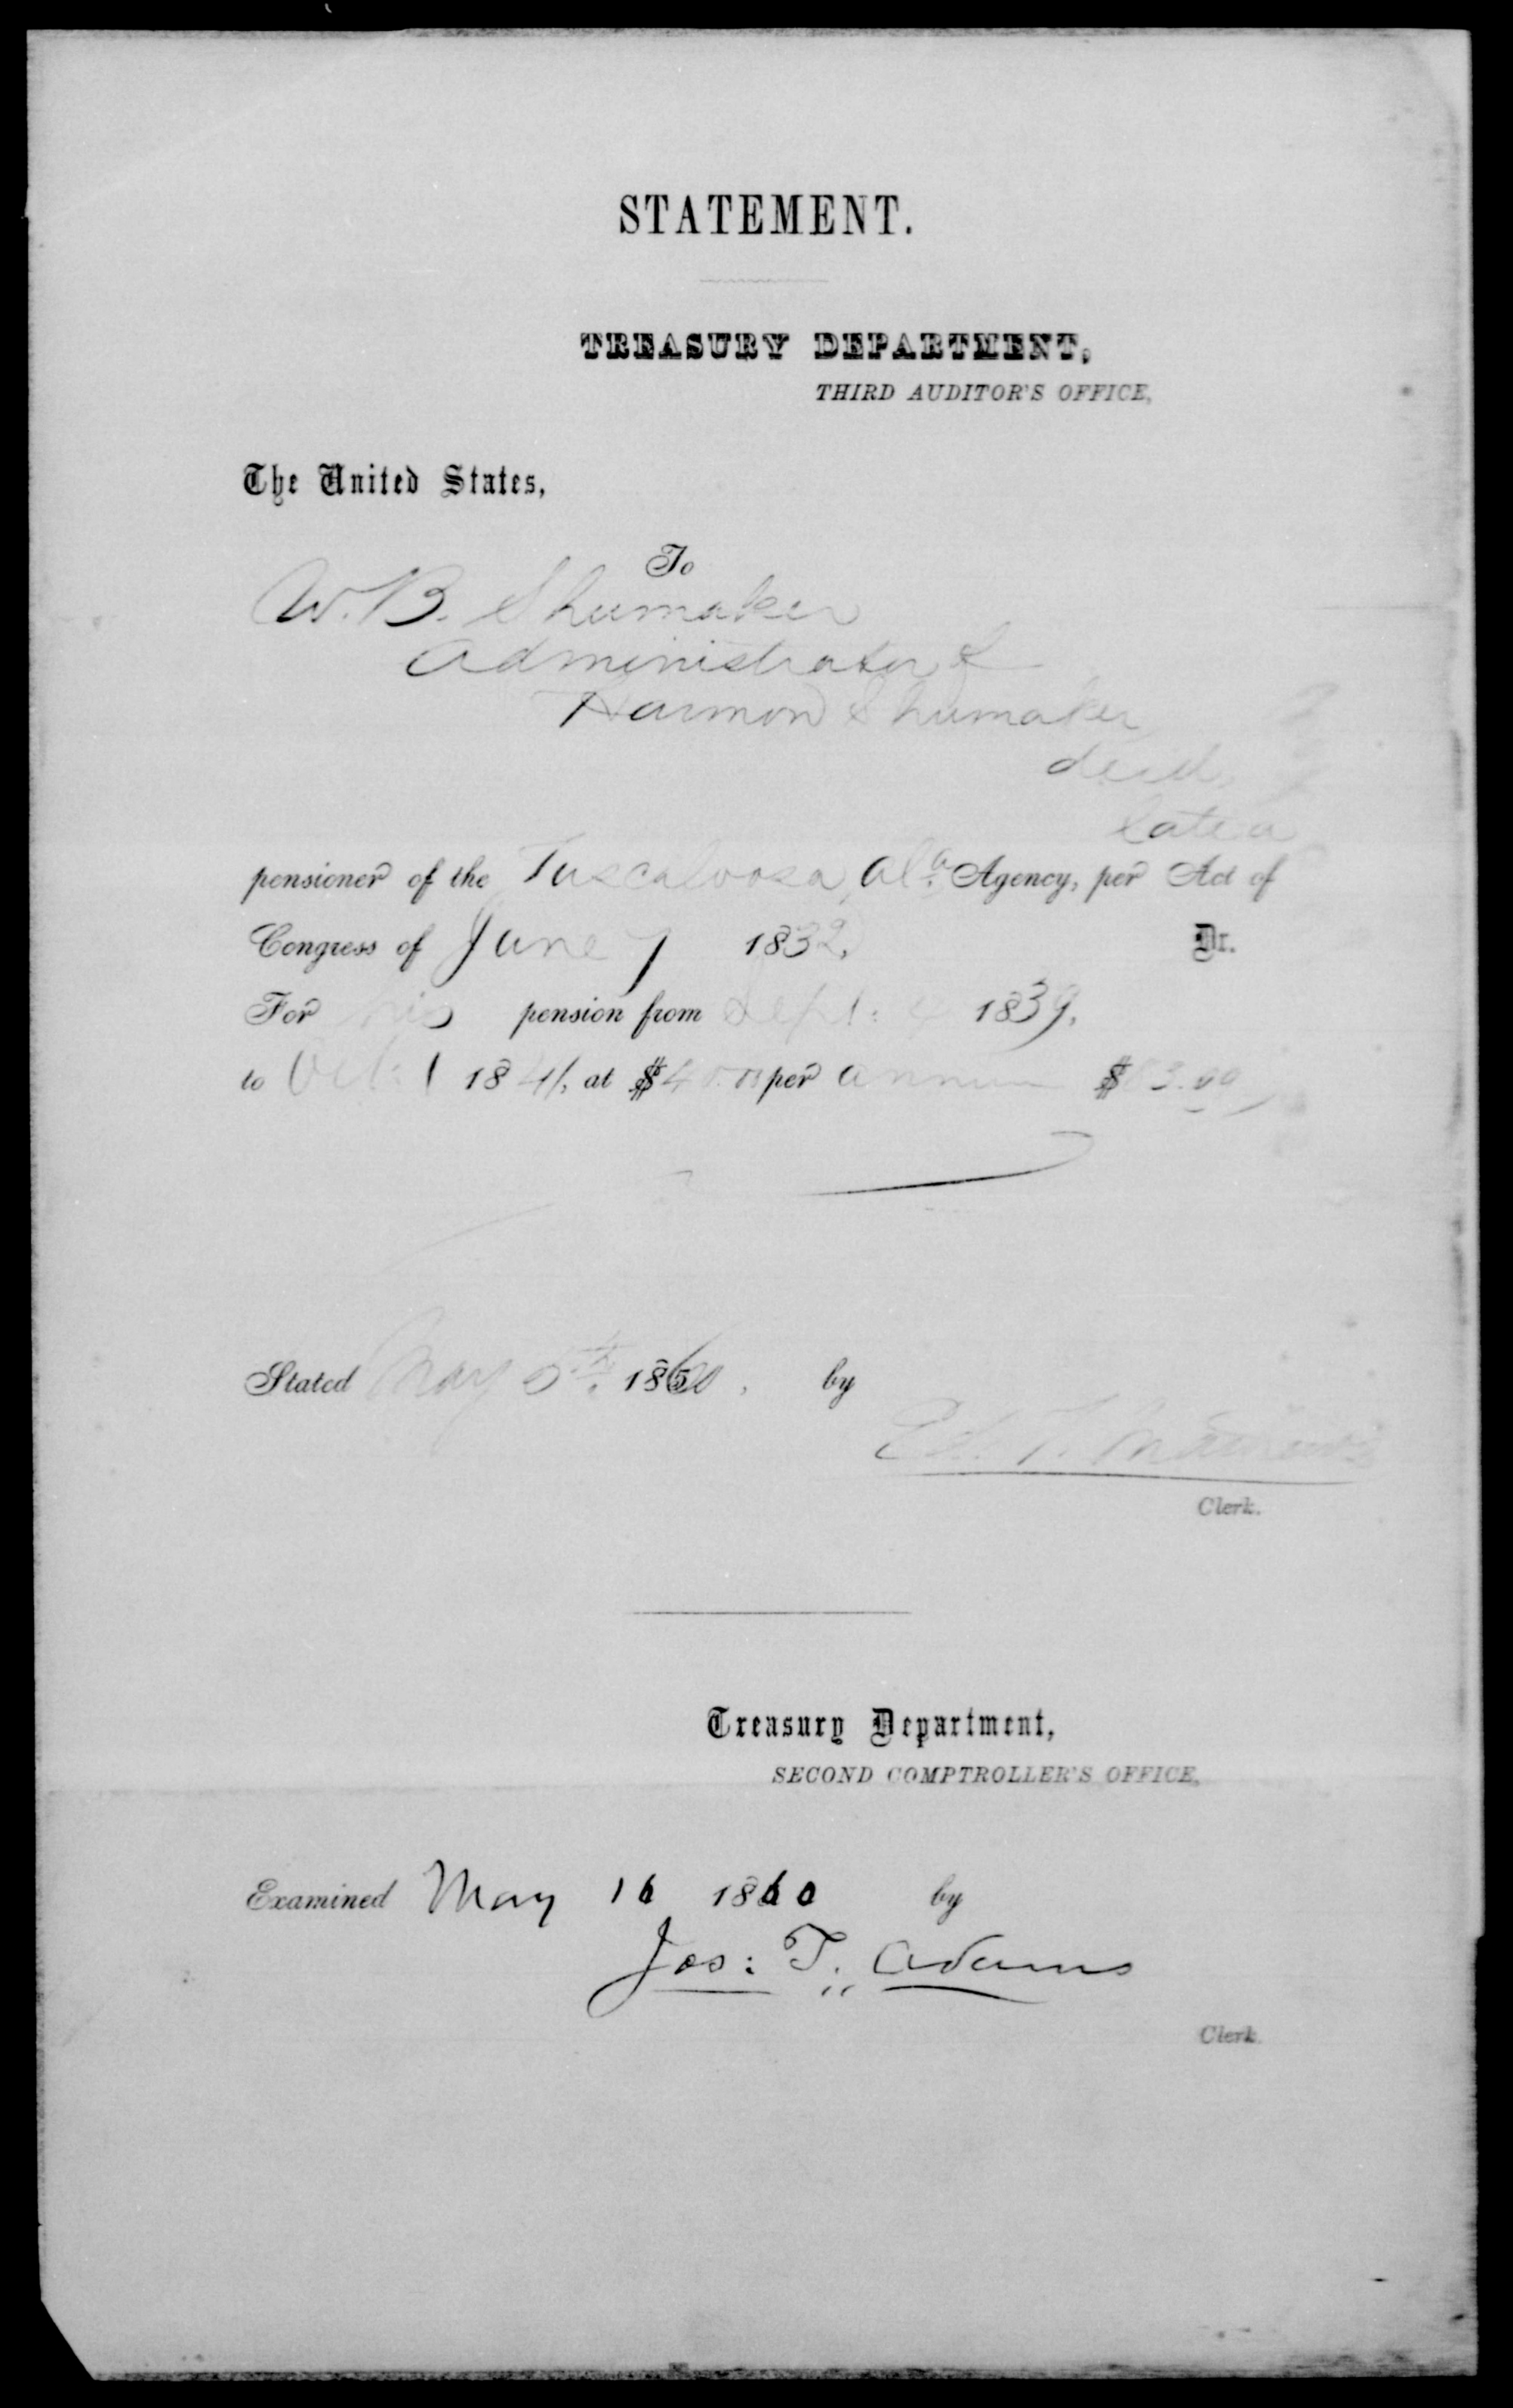STATEMENT.
TREASURY DEPARTMENT.
THIRD AUDITOR'S OFFICE.
The United States
W. B. Shumaker
Administrator of
Harmon Shumaker
death of late late 
pensioner of the Tuscaloosa Ala Agency, per Act of Congress of June 7 1832.
Dr.
For his pension from September of 1839,
to Oct 1 1841, at $40 per annum $3.00

Stated May 5th 1860, by
(signature unreadable) Clerk

Treasury Department,
SECOND COMPTROLLER'S OFFICE,

Examined May 16, 1840
by
Jos.  T Adams
Clerk.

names: W B Shumaker; Jos T Adams; Jos T Adams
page: 13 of 20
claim: survivor's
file: S. 32512, for Harmon Shumaker, Maryland